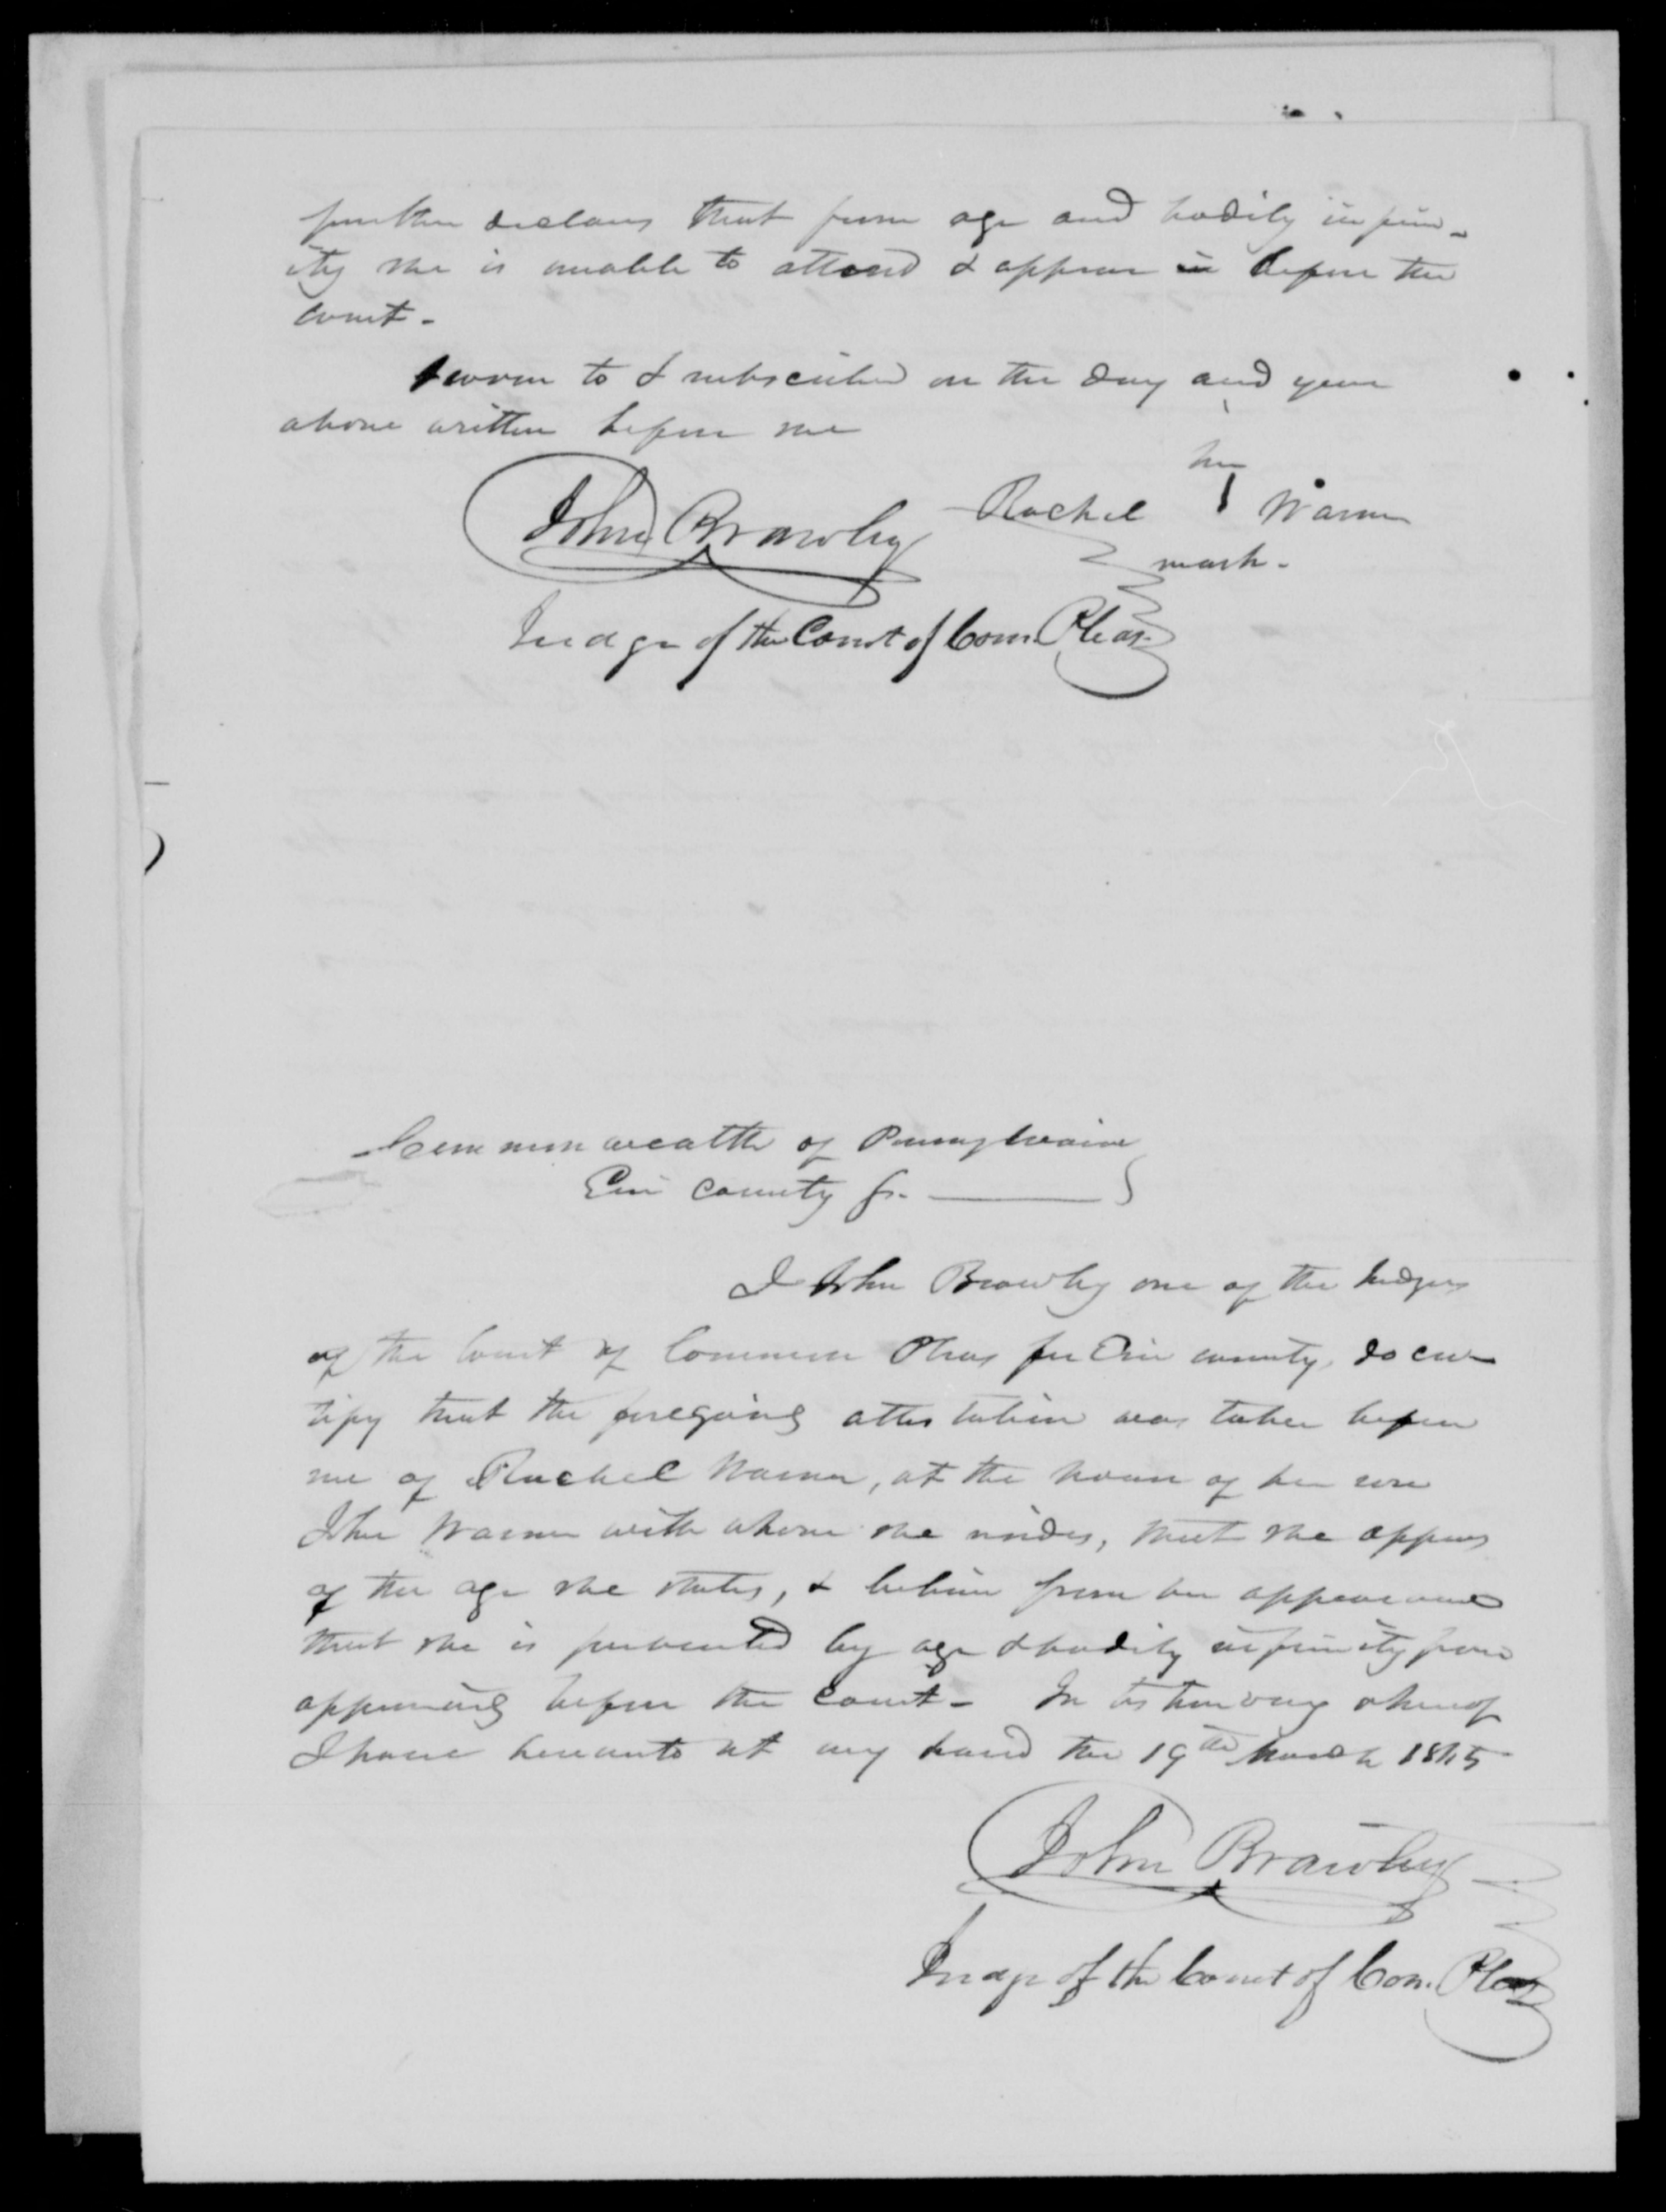further declares that from age and bodily infirmity she is unable to attend and appear before the court.
Sworn to and subscribed on the and year above written before me.
              her
Rachel    l      Warner
            mark

John Browley}
Judge of the Court of Com. Pleas.}



Commonwealth of Pennsylvania}
Erie County ss.}

I, John Browley, one of the Judges of the Court of Common Pleas for Erie county, do certify that the the foregoing attestation was taken before me of Rachel Warner, at the house of her son, John Warner with whom she resides, that she appears of the age she states, and I believe from her appearance that she is prohibited by age and bodily infirmity from appearing before the court.  

In testimony whereof I have hereunto set my hand this 19th March 1845

John Browley
Judge of the Court of Common Pleas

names: Rachel Warner, John Warner, John Browley, John Browley, Rachel Warner, John Browley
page: 19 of 40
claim: widow's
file: W. 3742, Moses Warner, Conn.